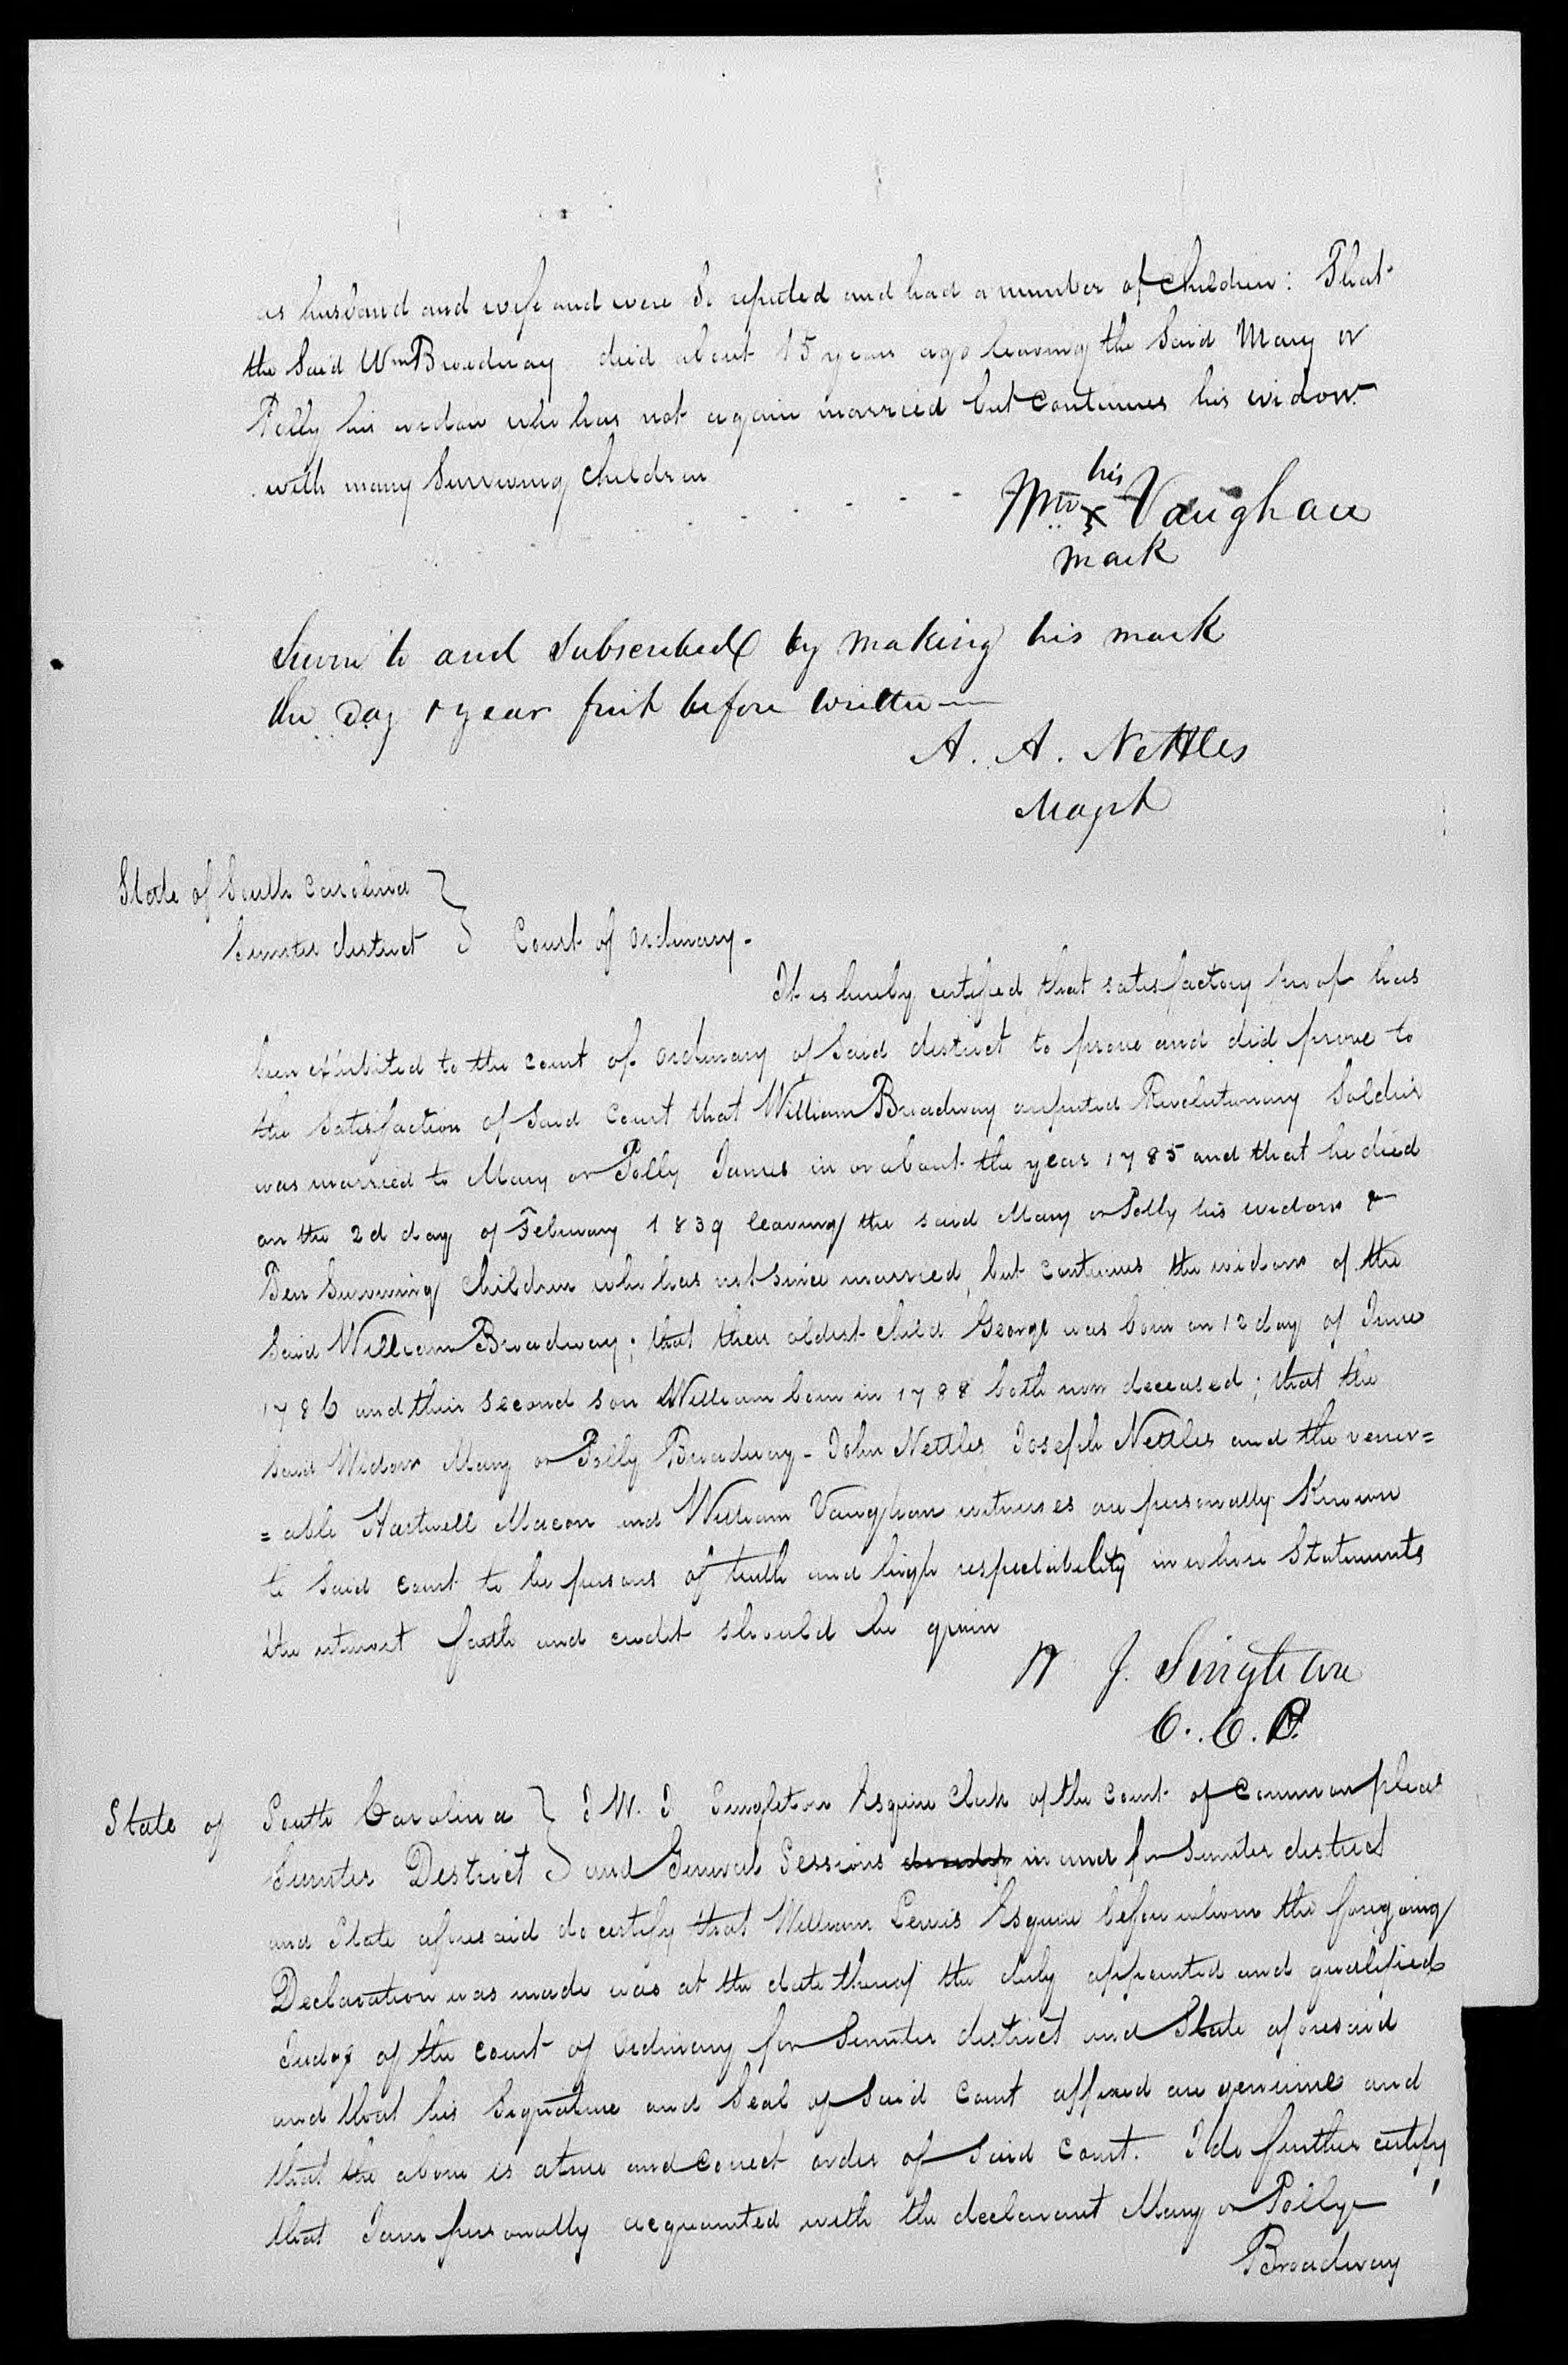as husband and wife and were So reputed and had a number of children: That the Said Wm Broadway died about 15 years ago leaving the Said Mary or Polly his widow who has not again married but continues his widow with many Surviving children.
Wm Vaughan (his x mark)

Sworn to and Subscribed by making his mark the day + year first before written -
A A Nettles
Magst

State of South Carolina}
Sumter district} Court of Ordinary -
It is hereby certified that satisfactory proof has been exhibited to the court of ordinary of Said district to prove and did prove to the Satisfaction of Said Court that William Broadway reputed Revolutionary soldier was married to Mary or Polly James in or about the year 1785 and that he died on the 2d day of February 1839 leaving the said Mary or Polly his widow + Ten Surviving children who has not since married, but continues the widow of the Said William Broadway; that their oldest child George was born on 12 day of June 1786 and their Second Son William born in 1788 both now deceased; that the Said Widow Mary or Polly Broadway - John Nettles, Joseph Nettles and the venerable Hartwell Mason and William Vaughan witnesses are personally Known to Said court to be persons of truth and high respectability in whose Statements the utmost faith and credit should be given
W J Singleton
C.C.P.

State of South Carolina}
Sumter District} I, W J Singleton Esquire Clerk of the Court of Common Pleas and General Sessions in and for Sumter district and State of aforesaid do certify that William Lewis Esquire before whom the foregoing Declaration was made was at the date thereof the duly appointed and qualified Judge of the Court of Ordinary for Sumter district and State aforesaid and that his Signature and Seal of Said Court affixed are genuine and that the above is a true and correct order of Said Court. I do further certify that I am personally acquainted with the declarant Mary or Polly Broadway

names: William Vaughan, Joseph Nettles, Mary Broadway, Mary, A A Nettles, Mary Broadway, W J Singleton, Polly James, William Broadway, Hartwell Mason, Polly, Polly Broadway, Wm Broadway, John Nettles, William Lewis, Mary James, Mary, William Broadway, Polly Broadway, William, Polly, George, Wm Vaughan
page: 97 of 98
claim: widow's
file: W. 8398, William Broadway, S.C.